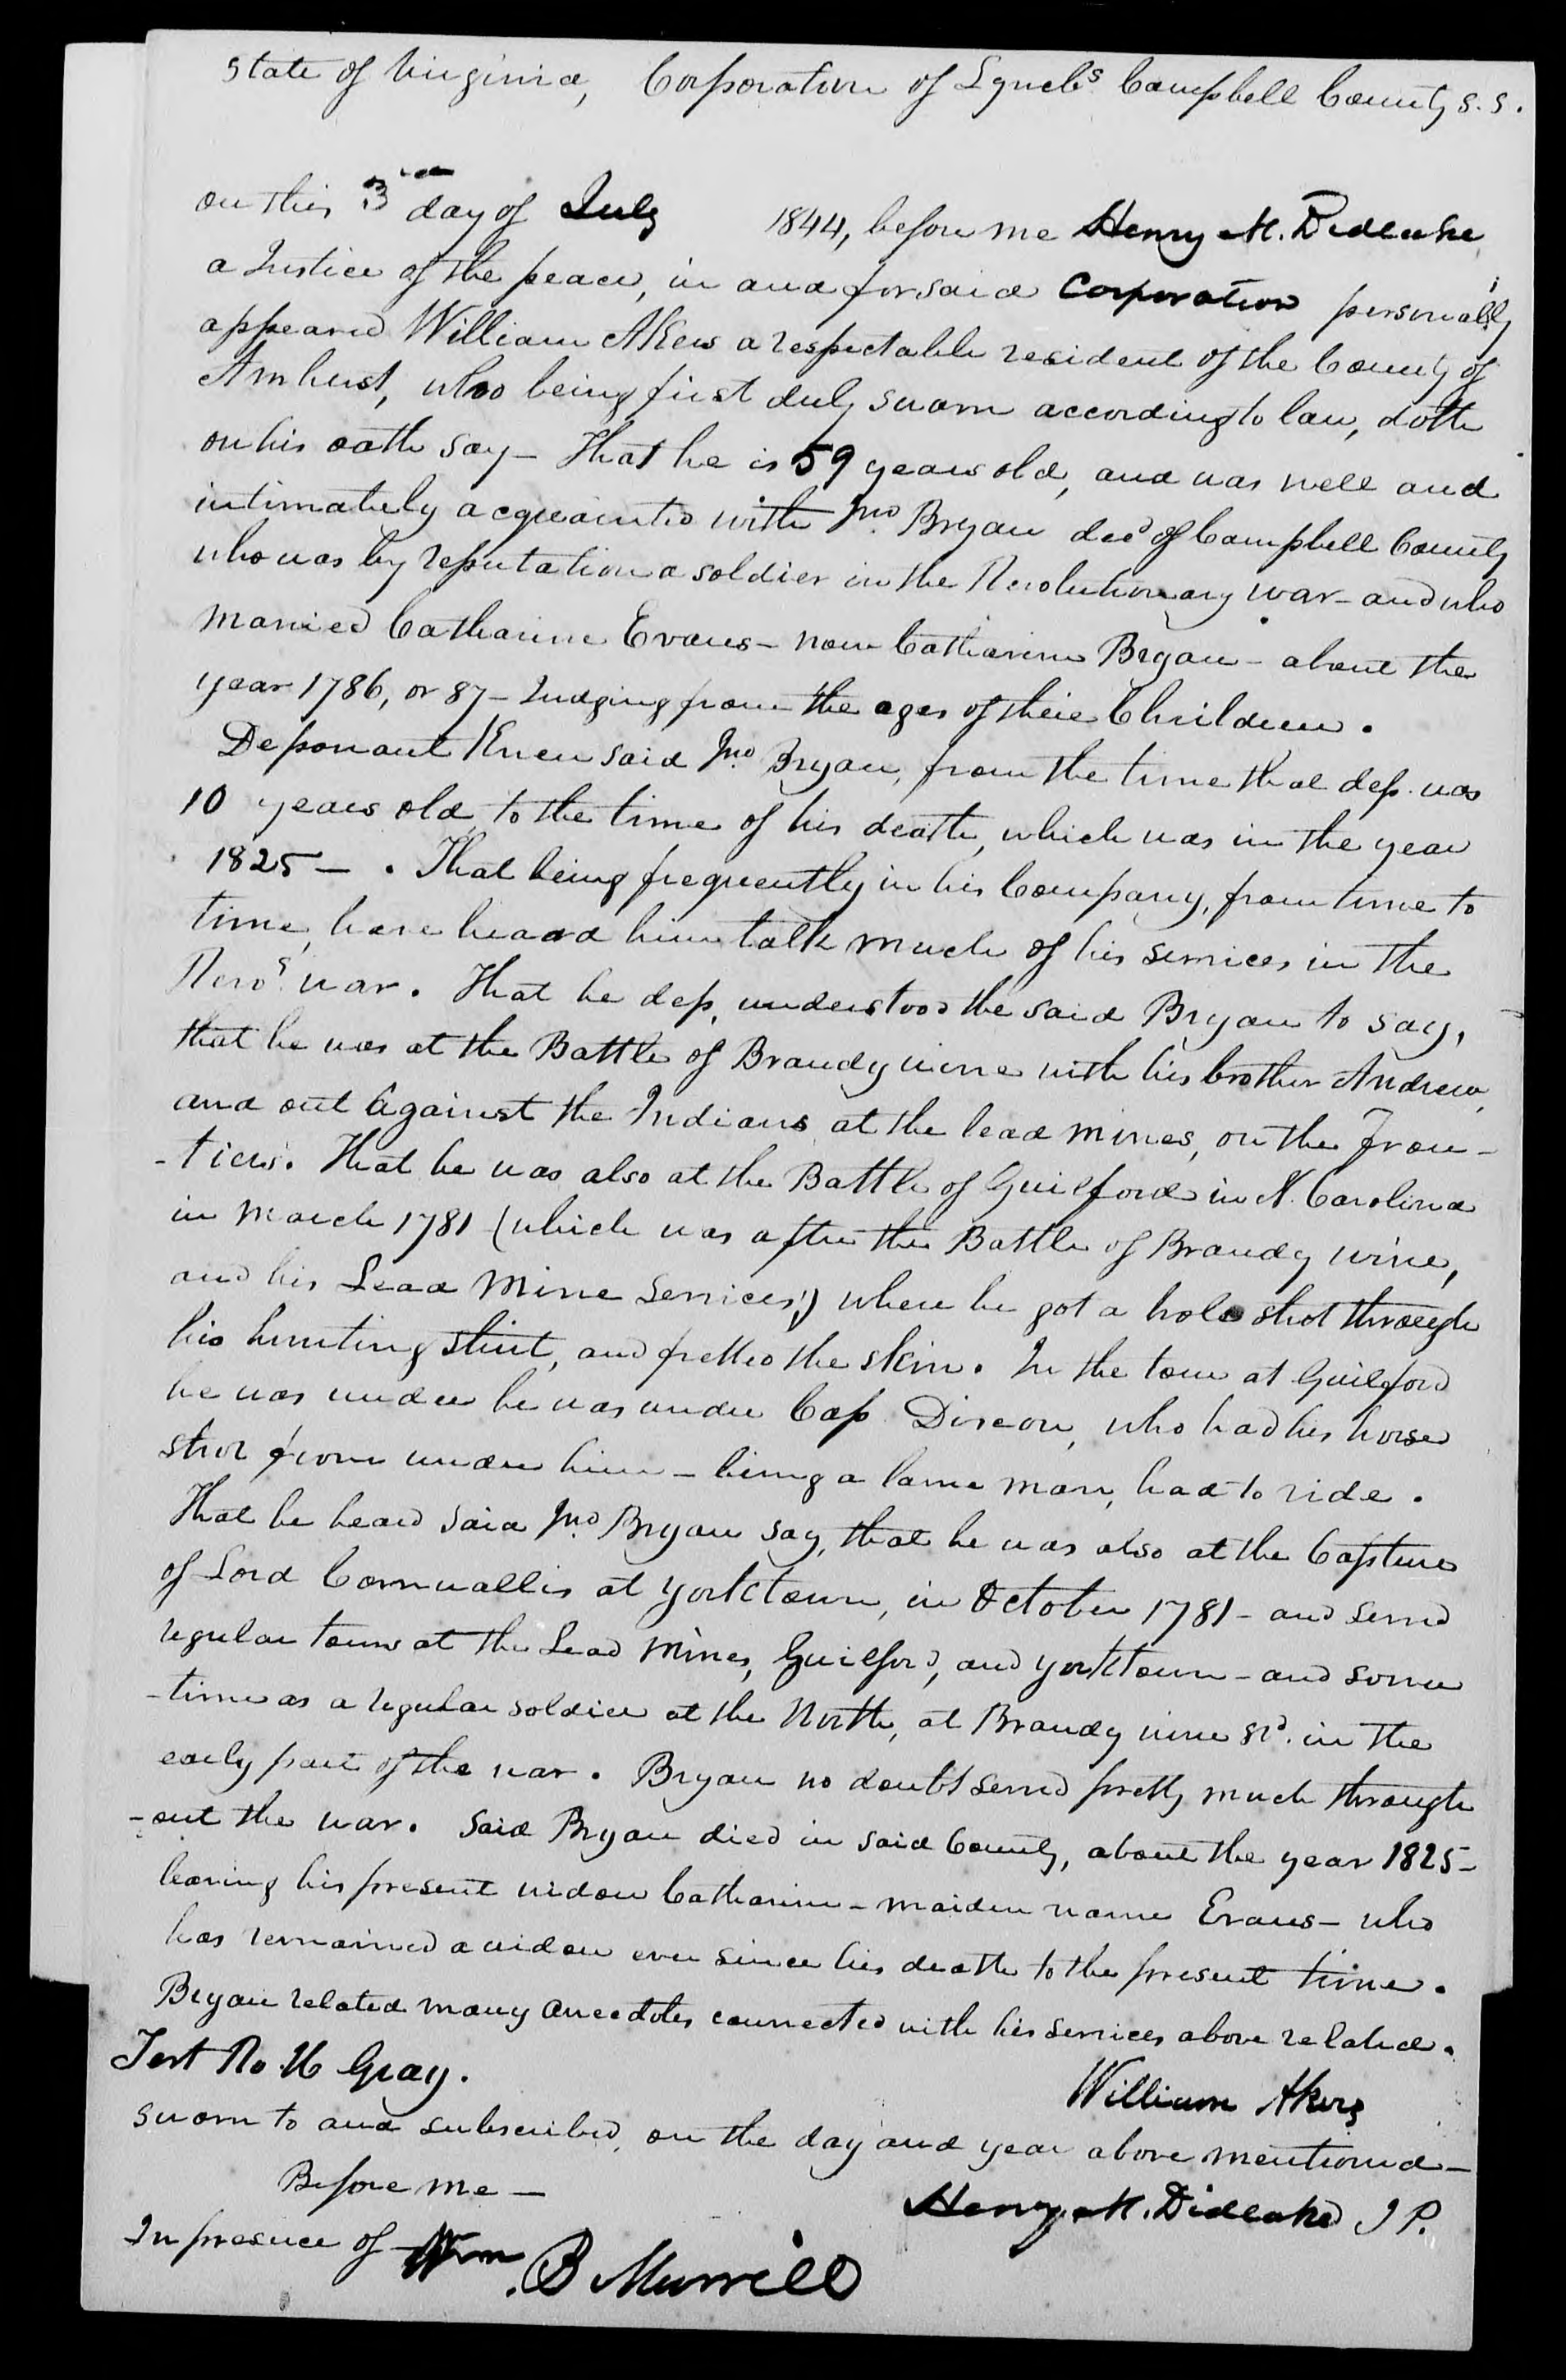State of Virginia, Corporation of [illegible], Campbell County, S.S.

On this 31st day of July 1844, before me Henry H. Didlake a Justice of the Peace, in and for said Corporation personally appeared William Akers a respectable resident of the county of Amherst, who being first duly sworn according to law, doth on his oath say - that he is 59 years old, and was well and intimately acquainted with Jno Bryan decd of Campbell County who was by reputation a soldier in the Revolutionary War - and who married Catharine Evans - now Catharine Bryan - about the year 1786, or 87 - judging from the ages of their children. Deponent knew said Jno Bryan, from the time that dept. was 10 years old to the time of his death, which was in the year 1825 - . That being frequently in his company, from time to time, he has heard him talk much of his services, in The Revo war. That he dept. understood the said Bryan to say, that he was at the Battle of Brandywine with his brother Andrew and out against the Indians at the Lead Mines, on the frontiers. That he was also at the Battle of Guilford in N. Carolina in march 1781 (which was after the Battle of Brandywine, and his Lead Mine service) where he got a hole shot through his hunting shirt, and [illegible] the skin. In the town at Guilford he was under he was under Capt. Dixon, who had his horse stun down under him - being a lame man, had to ride. That he heard said Jno Bryan say, that he was also at the capture of Lord Cornwallis at Yorktown, in October 1781 - and served regular term at the Lead Mine, Guilford, and Yorktown -  and sometimes as a regular soldier at the north, at Brandywine and in the early part of the war. Bryan no doubt sound pretty much throughout the war. Said Bryan died in said county, about the year 1825 - leaving his present widow Catharine - maiden name Evans - who has remained a widow ever since his death to the present time. 

Bryan related many anecdotes connected with his services above related.

Sent No. U Gray.      [signature] William Akers

Sworn to and subscribed on the day and year above mentioned -

Before me –     [signature] Henry H. Didlake J.P.

In presence of [signature] Wm B. Murrell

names: Jno Bryan, Bryan, Ro H Gray, Jno Bryan, Bryan, Bryan, Henry M Didlake, Henry M Didlake, William Akers, Dixon, Wm B Murrill, Catharine Evans, Andrew, Bryan, Cornwallis, Jno Bryan, Catharine, Catharine Bryan, William Akers, Evans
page: 14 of 31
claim: widow's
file: W. 3759, John Bryan, Va.